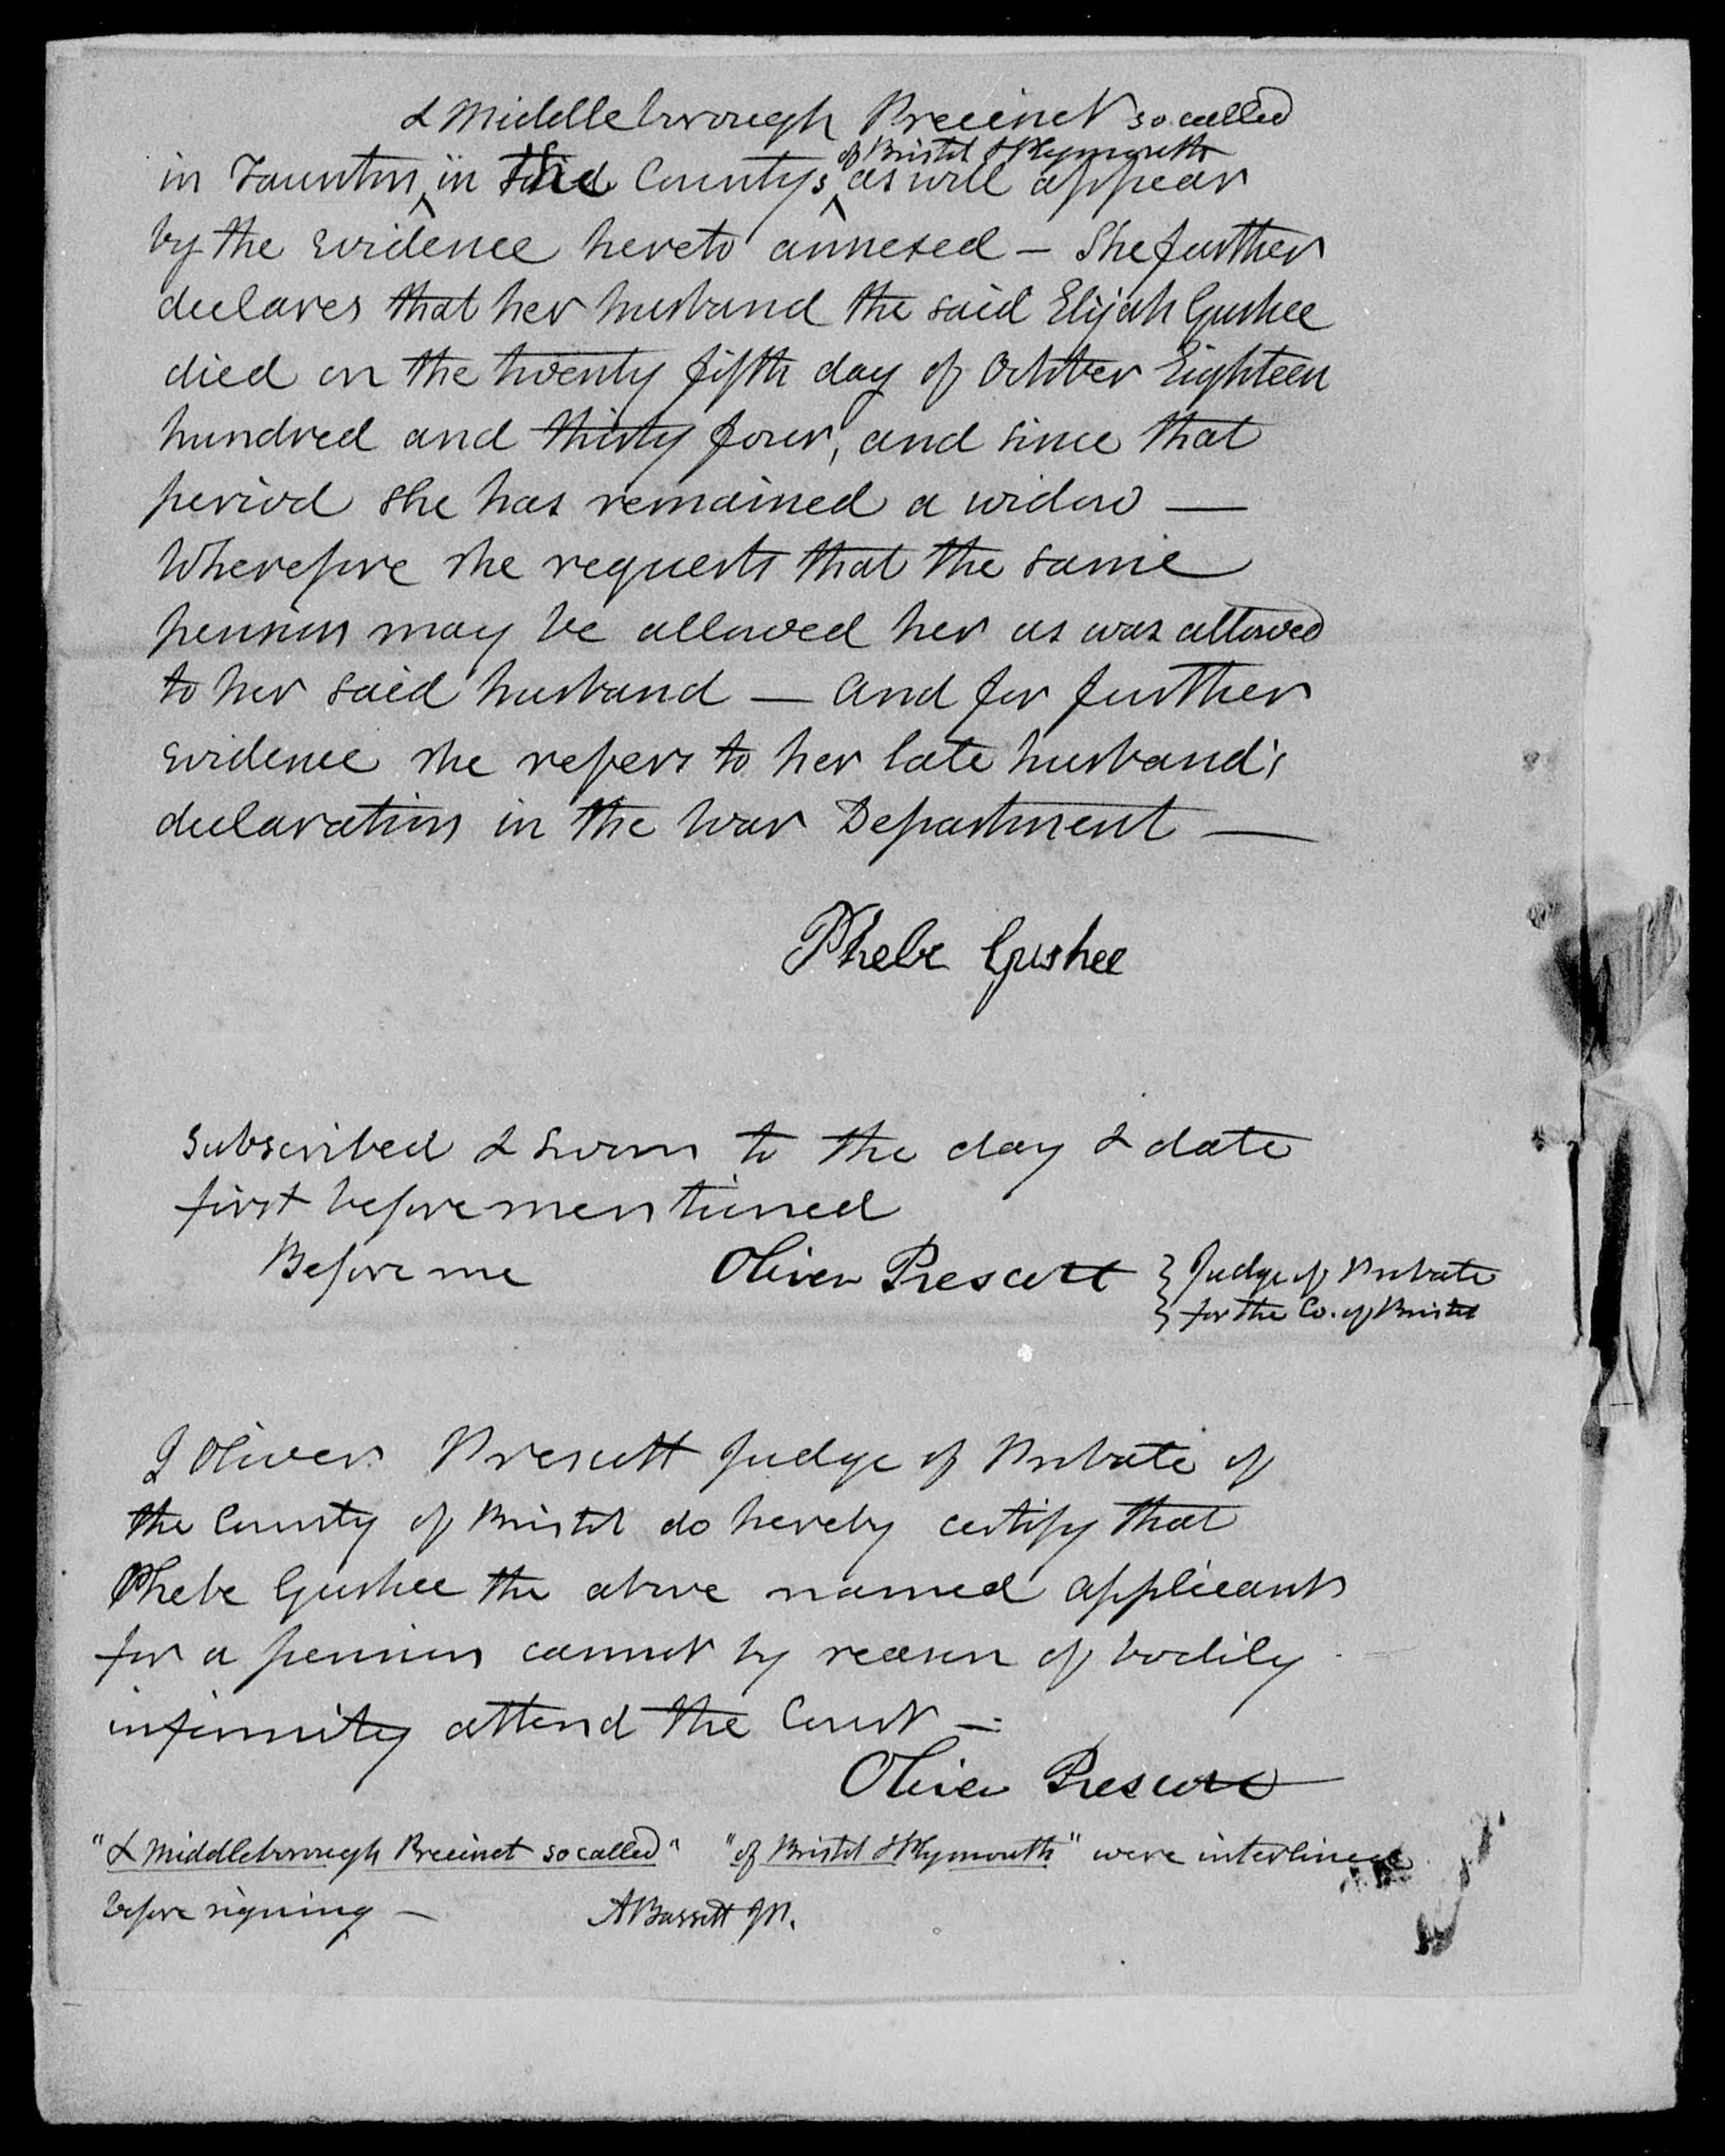& Middlebrough Precinct so called in Taunton in the County of Bristol & Plymouth as will appear  by the evidence hereto annexed. she further declares that her husband the said Elijah Gushee died on the twenty fifth day of October Eighteen hundred and thirty four, and since that period she has remained a widow wherefore the requests that the same pension may be allowed her as was allowed to her said husband - and for further evidence she refers to her late husband's  declaration in the War Department-
Signature of Phebe Gushee
Subscribed & sworn to the day & date
first before mentioned
Before me
Signature of Oliver Prescott
Judge of Probate for the Co. of Bristol

I Oliver Prescott Judge of Probate of
the County of Bristol do hereby certify that
Phebe Gushee the above named applicant
for  a pension cannot by reason of bodily infirmity attend the Court. 
Signature of Oliver Prescott

"& Middlebrough Precinct so called ""of Bristol & Plymouth" were interlined before signing -
Signature of A Bassett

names: Oliver Prescott, Phebe Gushee, A Bassett, Phebe Gushee, Oliver Prescott, Elijah Gushee, Oliver Prescott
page: 12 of 36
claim: widow's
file: W. 8838, Elijah Gushee, Mass.